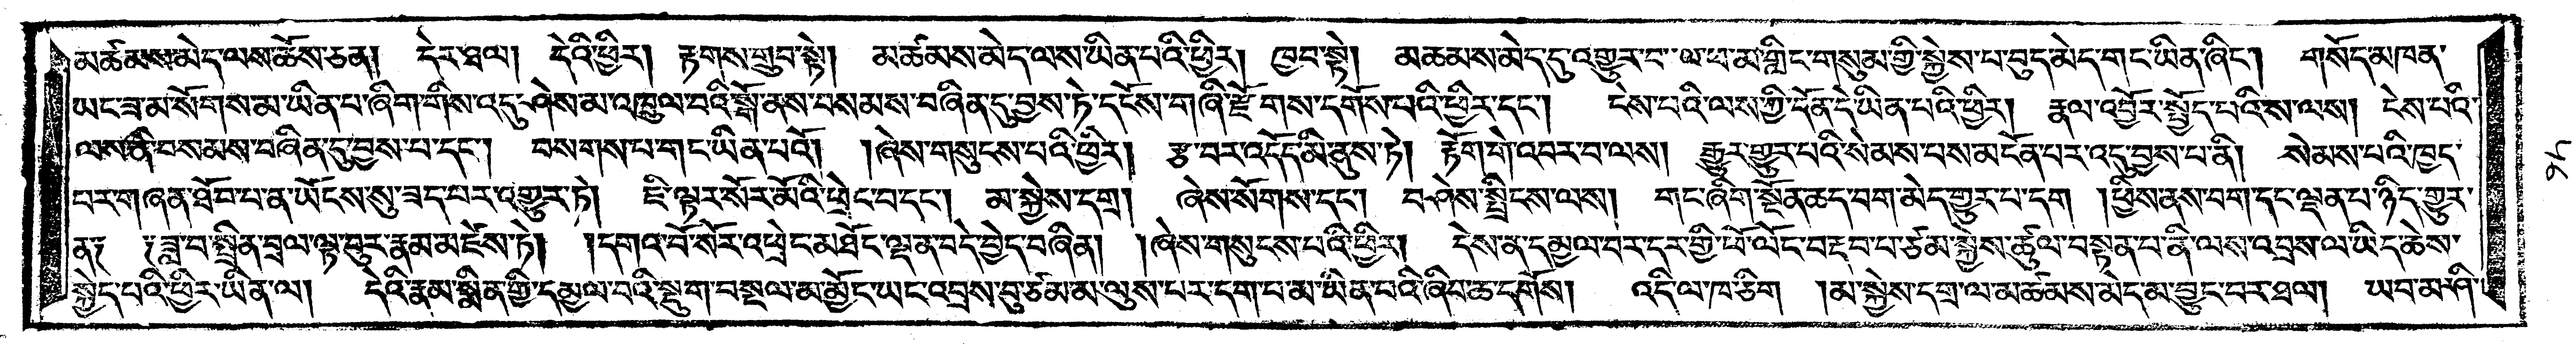མཚམས་མེད་ལས་ཆོས་ཅན། དེར་ཐལ། དེའི་ཕྱིར། རྟགས་གྲུབ་སྟེ། མཚམས་མེད་ལས་ཡིན་པའི་ཕྱིར། ཁྱབ་སྟེ། མཚམས་མེད་དུ་འགྱུར་བ་ལ་ཕ་མ་གླིང་གསུམ་གྱི་སྐྱེས་པ་མུད་མེད་གང་ཡིན་ཞིང་། གསོད་མཁན་
ཡང་ཟ་མ་སོགས་མ་ཡིན་པ་ཞིག་གིས་འདུ་ཤེས་མ་འཁྲུལ་བའི་སྒོ་ནས་བསམས་བཞིན་དུ་བྱས་ཏེ་དངོས་གཞི་རྫོགས་དགོས་པའི་ཕྱིར་དང་། ངེས་པའི་ལས་ཀྱི་དོན་དེ་ཡིན་པའི་ཕྱིར། རྣལ་འབྱོར་སྤྱོད་པའི་ས་ལས། ངེས་པའི་
ལས་ནི་བསམས་བཞིན་དུ་བྱས་པ་དང་། བསགས་པ་གང་ཡིན་པའོ། །ཞེས་གསུངས་པའི་ཕྱིར། རྩ་བར་འདོད་མི་ནུས་ཏེ། རྟོག་གེ་འབར་བ་ལས། རྒྱུར་གྱུར་པའི་སེམས་པས་མངོན་པར་འདུ་བྱས་པ་ནི། སེམས་པའི་ཁྱད་
པར་གཞན་ཐོབ་པ་ན་ཡོངས་སུ་ཟད་པར་འགྱུར་ཏེ། ཇི་ལྟར་སོར་མོའི་ཕྲེང་བ་དང་། མ་སྐྱེས་དགྲ། ཞེས་སོགས་དང་། བཤེས་སྤྲིངས་ལས། གང་ཞིག་སྔོན་ཆད་བག་མེད་གྱུར་པ་དག །ཕྱིས་ནས་བག་དང་ལྡན་པ་ཉིད་གྱུར་
ན༑ ༑ཟླ་བ་སྤྲིན་བྲལ་ལྟ་བུར་རྣམ་མཛེས་ཏེ། །དགའ་བོ་སོར་འཕྲེང་མཐོང་ལྡན་བདེ་བྱེད་བཞིན། །ཞེས་གསུངས་པའི་ཕྱིར། དེས་ན་དམྱལ་བར་ངར་གྱི་ཕོ་ལོང་བརྡབ་པ་ཙམ་སྐྱེས་ཚུལ་བསྟན་པ་ནི་ལས་འབྲས་ལ་ཡིད་ཆེས་
སྐྱེད་པའི་ཕྱིར་ཡིན་ལ། དེའི་རྣམ་སྨིན་གྱི་དམྱལ་བའི་སྡུག་བསྔལ་མ་མྱོང་ཡང་འབྲས་བུ་ཙམ་མ་ལུས་པར་དག་པ་མ་ཡིན་པའི་ཞིང་ཆ་དགོས། འདི་ལ་ཁ་ཅིག་?་སྐྱེས་དགྲ་ལ་མཚམས་མེད་མ་བྱུང་བར་ཐལ། ཡབ་མ་ཤི་